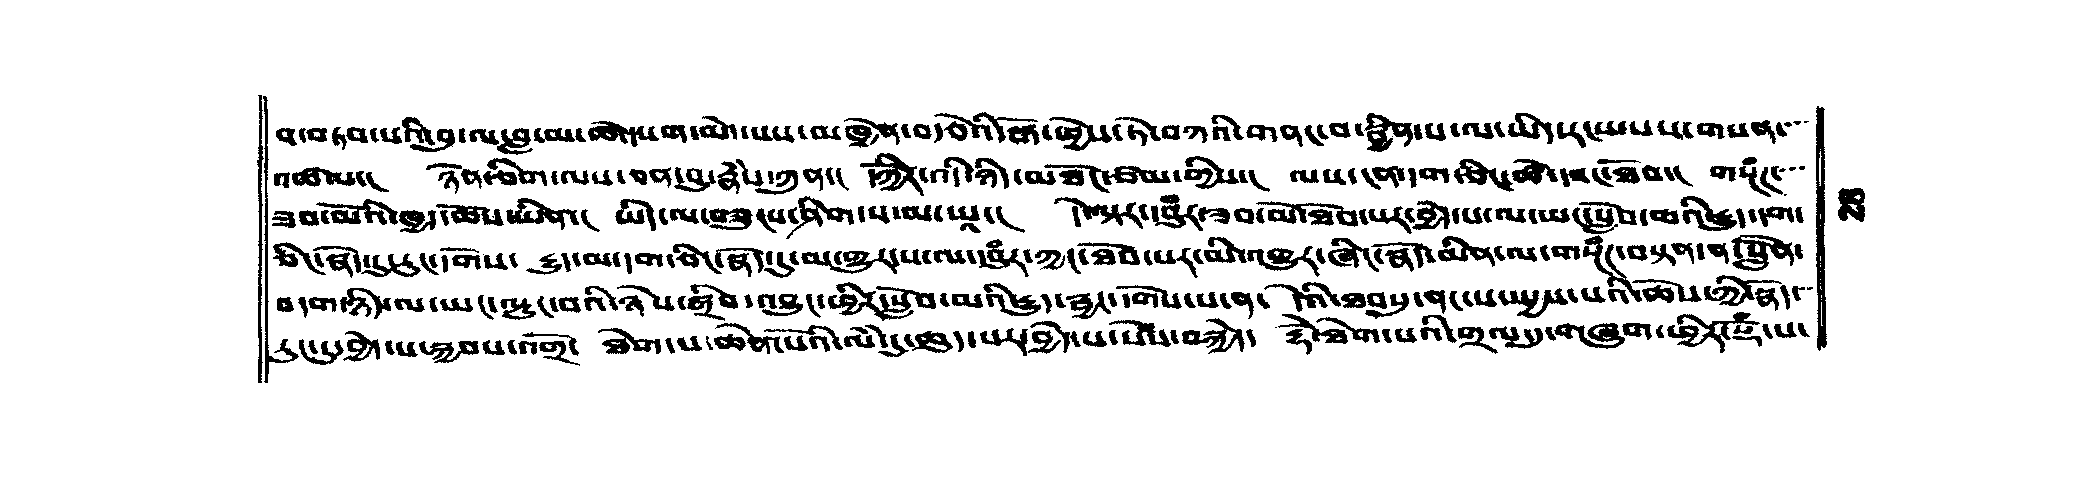བ་བཏབ་པའི་བུ་ལ་བླ་མ་ཚེ་དཔག་མེད་པས་མཁྱེན་བརྩེའི་སྒོ་ཕྱོས་ཏེ་བཀའི་གནང་བ་སྦྱིན་པ་ལ་ཡིད་རངས་པས་གསན་
འཚལ། ཉོན་ཅིག་ལས་ཅན་བུ་རྣམས་ཀུན། དཀྱིལ་འཁོར་འདི་ནིད་མཐོང་ཙམ་གྱིས། ལས་ངན་དག་ཅིང་ཚེ་དབང་ཐོབ། གསང་སྔགས་
ཟབ་མོའི་ཁྱད་ཆོས་ཡིན། ཡིས་ལ་བཟུངས་ཤིག་ས་མ་ཡཱ། དེ་ལྟར་དབང་བསྐུར་ཟབ་མོ་ཐོབ་པར་བྱེད་པ་ལ་ཡང་སློབ་མའི་རྒྱུད་དག་
ཅིང་སྣོད་དུ་རུང་དགོས། རྒྱུད་མ་དག་ཅིང་སྣོད་དུ་མ་གྱུར་པ་ལ་དབང་བསྐུར་ཀྱང་ཐོབ་པར་མི་འགྱུར་ཞིང་སྣོད་མིན་ལ་གསང་སྔགས་བསྟན་ན་སློབ་དཔོན་
བདག་ཉིད་ལ་ཡང་ལྟུང་བའི་ཉེས་སྒྲིབ་འབྱུང་ཕྱིར་སློབ་མའི་རྒྱུད་སྦྱང་དགོས་པ་ན། དེའི་ཐབས་སུ་ནང་པ་སངས་རྒྱས་པའི་ཆོས་ཀྱི་སྣོད་
རུང་དུ་བྱེད་པ་སྐྱབས་འགྲོ། ཐེག་པ་ཆེན་པོའི་ལམ་དུ་ཆུད་པར་བྱེད་པ་སེམས་བསྐྱེད། རྡོ་རྗེ་ཐེག་པའི་གྲལ་དུ་གཞུག་ཕྱིར་སྡོམ་པ་